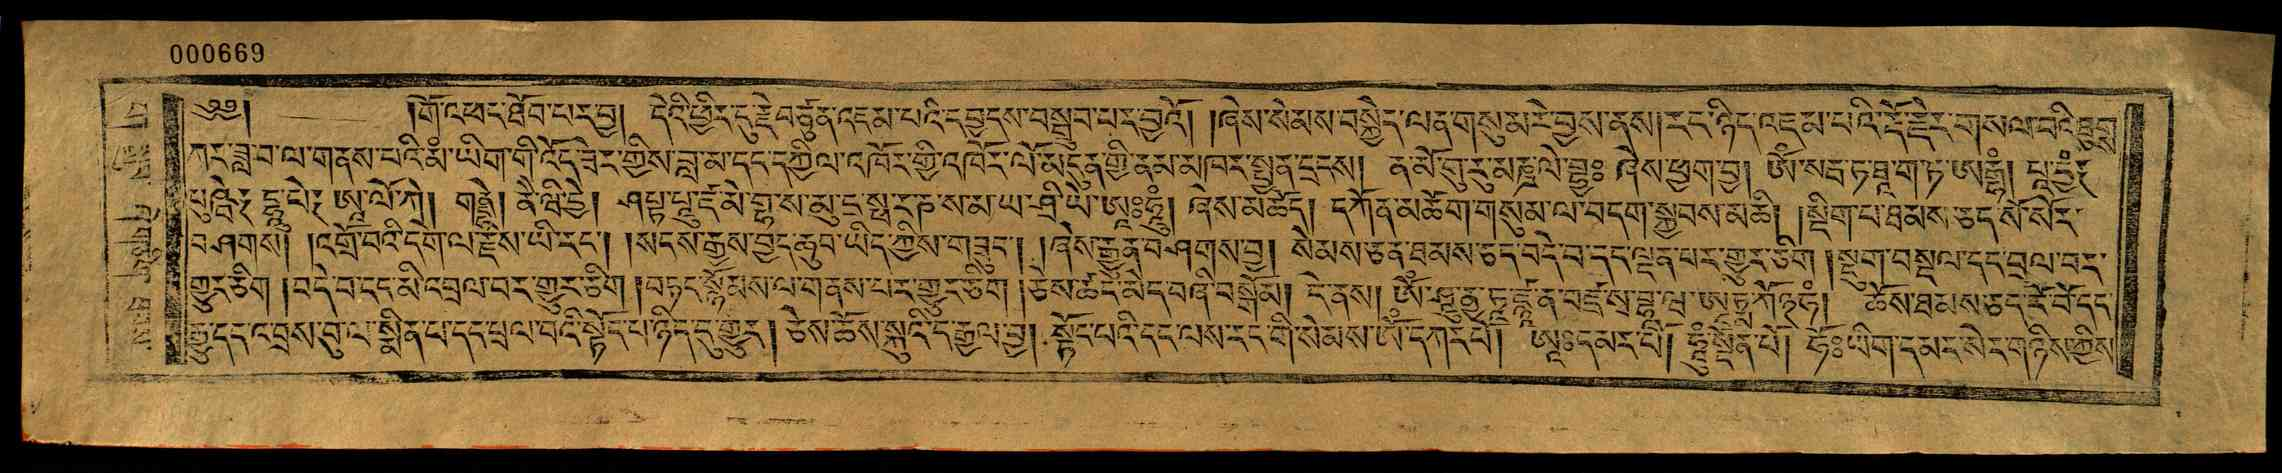༄༅། །གོ་འཕང་ཐོབ་པར་བྱ། དེའི་ཕྱིར་དུ་རྗེ་བཙུན་འཇམ་པའི་དབྱངས་བསྒྲུབ་པར་བྱའོ། །ཞེས་སེམས་བསྐྱེད་ལན་གསུམ་རེ་བྱས་ནས། རང་ཉིད་འཇམ་པའི་རྡོ་རྗེར་གསལ་བའི་ཐུགས་
ཀར་ཟླ་བ་ལ་གནས་པའི་མཾ་ཡིག་གི་འོད་ཟེར་གྱིས་བླ་མ་དང་དཀྱིལ་འཁོར་གྱི་འཁོར་ལོ་མདུན་གྱི་ནམ་མཁར་སྤྱན་དྲངས། ན་མོ་གུ་རུ་མཎྜ་ལེ་བྷྱཿ ཞེས་ཕྱག་བྱ། ཨོཾ་སརྦ་ཏ་ཐཱ་ག་ཏ་ཨརྒྷཾ། པཱདྱཾ༑
པུཥྤེ༑ དྷཱུ་པེ༑ ཨཱ་ལོ་ཀེ། གནྡྷེ། ནཻ་ཝི་དྱེ། ཤཔྟ་པཱུ་ཛ་མེ་གྷ་ས་མུ་དྲ་སྤ་ར་ཎ་ས་མ་ཡ་ཤྲི་ཡེ་ཨཱཿ ཧཱུཾ། ཞེས་མཆོད། དཀོན་མཆོག་གསུམ་ལ་བདག་སྐྱབས་མཆི། །སྡིག་པ་ཐམས་ཅད་སོ་སོར་
བཤགས། །འགྲོ་བའི་དགེ་ལ་རྗེས་ཡི་རང་། །སངས་རྒྱས་བྱང་ཆུབ་ཡིད་ཀྱིས་གཟུང་། །ཞེས་རྒྱུན་བཤགས་བྱ། སེམས་ཅན་ཐམས་ཅད་བདེ་བ་དང་ལྡན་པར་གྱུར་ཅིག །སྡུག་བསྔལ་དང་བྲལ་བར་
གྱུར་ཅིག །བདེ་བ་དང་མི་འབྲལ་བར་གྱུར་ཅིག །བཏང་སྙོམས་ལ་གནས་པར་གྱུར་ཅིག །ཅེས་ཚད་མེད་བཞི་བསྒོམ། དེ་ནས། ཨོཾ་ཤཱུ་ནྱ་ཏཱ་ཛྙཱ་ན་བཛྲ་སྭ་བྷཱ་ཝ་ཨཱཏྨ་ཀོཉ་ཧཾ། ཆོས་ཐམས་ཅད་ངོ་བོ་དང་
རྒྱུ་དང་འབྲས་བུ་ལ་སྨིན་པ་དང་བྲལ་བའི་སྟོང་པ་ཉིད་དུ་གྱུར། ཅེས་ཆོས་སྐུའི་ང་རྒྱལ་བྱ། སྟོང་པའི་ངང་ལས་རང་གི་སེམས་ཨོཾ་དཀར་པོ། ཨཱཿ དམར་པོ། ཧཱུཾ་སྔོན་པོ། ཧོཿ ཡིག་དམར་སེར་གཉིས་ཀྱིས་